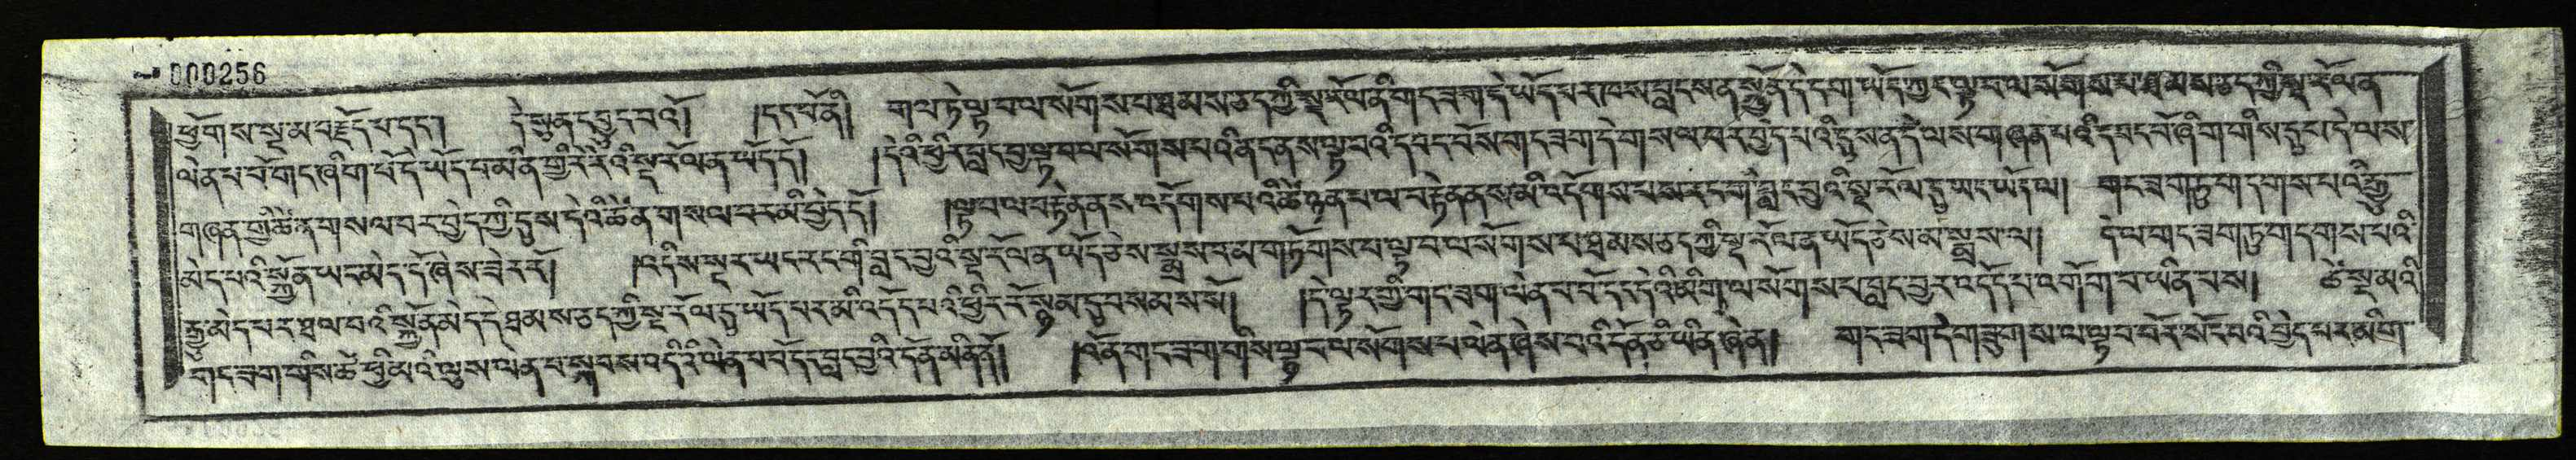ཕྱོགས་སྔ་མ་བརྗོད་པ་དང་། དེ་སུན་དབྱུང་བའོ། །དང་པོ་ནི། གལ་ཏེ་ལྟ་བ་ལ་སོགས་པ་ཐམས་ཅད་ཀྱི་སྔ་རོལ་ནི་གང་ཟག་དེ་ཡོད་པར་ཁས་བླངས་ན་སྐྱོན་དེ་དག་ཡོད་ཀྱང་ལྟ་བ་ལ་སོགས་པ་ཐམས་ཅད་ཀྱི་སྔ་རོལ་ན་
ལེན་པ་པོ་གང་ཞིག་པོ་དེ་ཡོད་པ་མིན་གྱི་རེ་རེའི་སྔ་རོལ་ན་ཡོད་དོ། །དེའི་ཕྱིར་བླང་བྱ་ལྟ་བ་ལ་སོགས་པའི་ནང་ནས་ལྟ་བའི་དབང་པོས་གང་ཟག་དེ་གསལ་བར་བྱེད་པའི་དུས་ན་དེ་ལས་གཞན་པའི་དབང་པོ་ཞིག་གིས་དུས་དེ་ལས་
གཞན་གྱི་ཚེ་ན་གསལ་བར་བྱེད་ཀྱི་དུས་དེའི་ཚེ་ན་གསལ་བར་མི་བྱེད་དོ། །ལྟ་བ་ལ་བརྟེན་ནས་འདོགས་པའི་ཚེ་ཉན་པ་ལ་བརྟེན་ནས་མི་འདོགས་པས་རང་གི་བླང་བྱའི་སྔ་རོལ་དུ་ཡང་ཡོད་ལ། གང་ཟག་ཏུ་གདགས་པའི་རྒྱུ་
མེད་པའི་སྐྱོན་ཡང་མེད་དོ་ཞེས་ཟེར་རོ། །འདིས་སྔར་ཡང་རང་གི་བླང་བྱའི་སྔ་རོལ་ན་ཡོད་ཅེས་སྨྲས་བ་མ་གཏོགས་པ་ལྟ་བ་ལ་སོགས་པ་ཐམས་ཅད་ཀྱི་སྔ་རོལ་ན་ཡོད་ཅེས་མ་སྨྲས་ལ། དེ་ལ་གང་ཟག་ཏུ་གདགས་པའི་
རྒྱུ་མེད་པར་ཐལ་བའི་སྐྱོན་མེད་དེ་ཐམས་ཅད་ཀྱི་སྔ་རོལ་དུ་ཡོད་པར་མི་འདོད་པའི་ཕྱིར་རོ་སྙམ་དུ་བསམས་སོ། །དེ་ལྟར་གྱི་གང་ཟག་ལེན་པ་པོ་དང་དེའི་མིག་ལ་སོགས་པ་བླང་བྱར་འདོད་པ་འགོག་པ་ཡིན་པས། ཚེ་སྔ་མའི་
གང་ཟག་གིས་ཚེ་ཕྱི་མའི་ལུས་ལེན་པ་སྐབས་འདིའི་ལེན་པ་པོ་དང་བླང་བྱའི་དོན་མིན་ནོ། །འོ་ན་གང་ཟག་གིས་ལྟར་ལ་སོགས་པ་ལེན་ཞེས་པའི་དོན་ཅི་ཡིན་ཞེ་ན། གང་ཟག་དེ་གཟུགས་ལ་ལྟ་བ་བོར་སོང་བའི་བྱེད་པར་མིག་